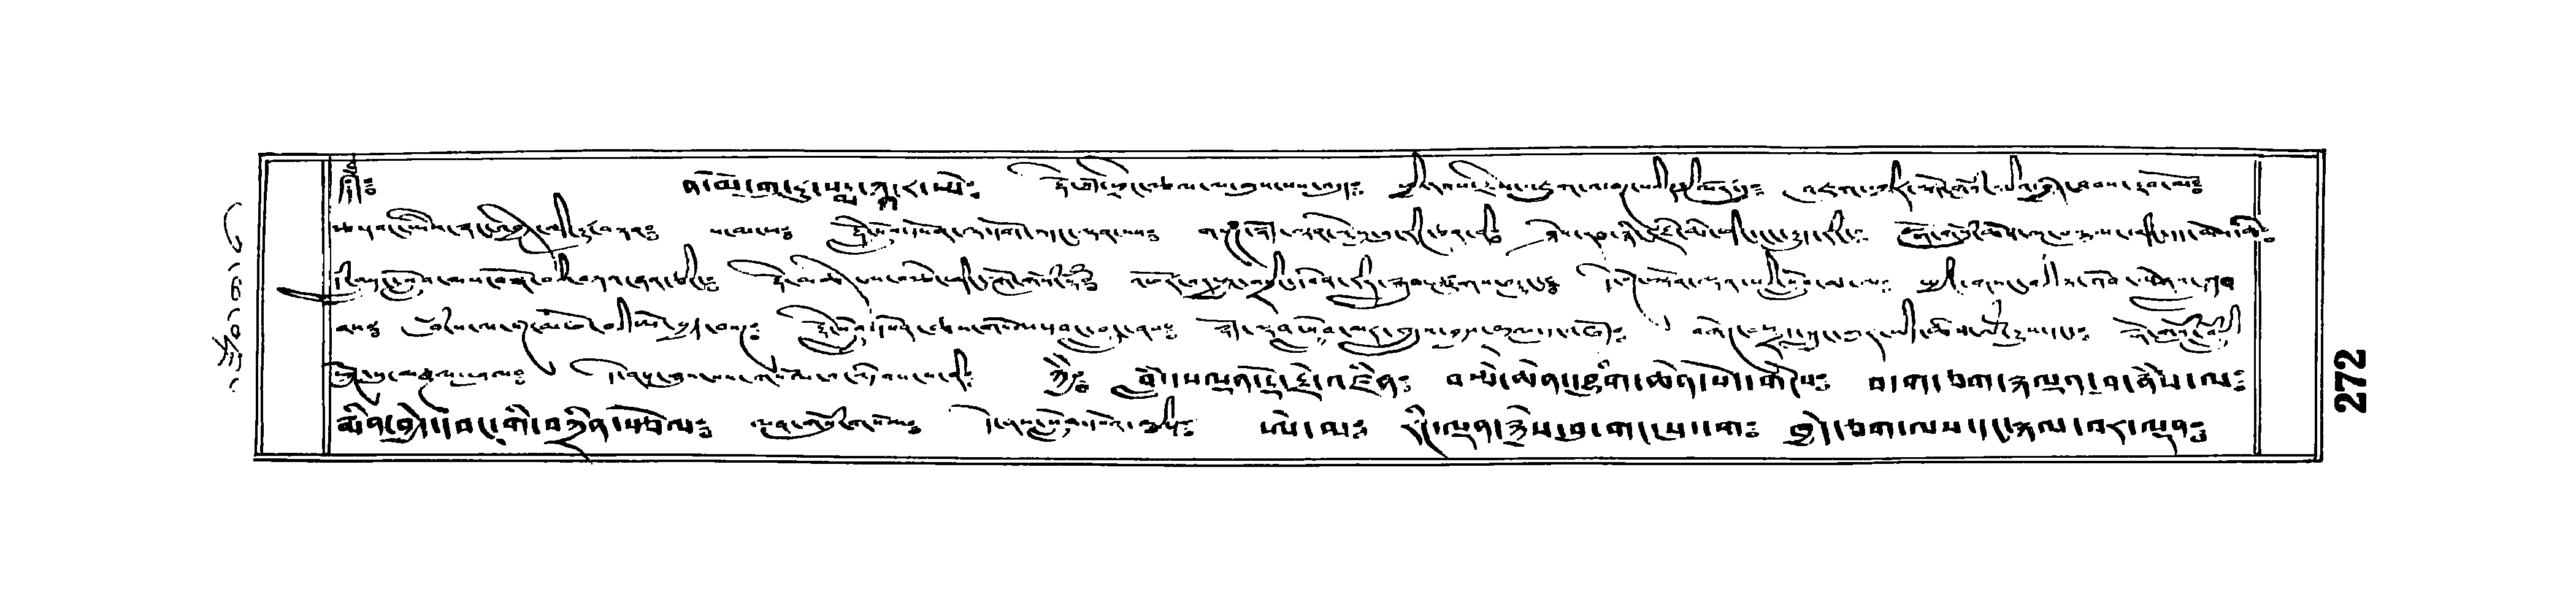ན་མོ་གུ་རུ་པདྨ་ཀཱ་ར་ཡེ༔ རྡོ་རྗེ་ཐོད་ཕྲེང་རྩལ་ལ་གུས་པས་འདུད༔ ཕྱི་རབས་རྗེས་འཇུག་འཕགས་པའི་དཀྱིལ་འཁོར་དུ༔ འཇུག་ཕྱིར་སྒོ་གསུམ་སྨིན་བྱེད་ཐབས་ཟབ་མོ༔ 
རྩ་དབང་ཡེ་ཤེས་སྣང་འབྱེད་འདི་རུ་བསྟན༔ ས་མ་ཡ༔ རྡོ་རྗེ་སློབ་དཔོན་ལྟ་དགོངས་དང་ལྡན་པས༔ གསང་སྔགས་སྣོད་ལྡན་སྐྱེས་བུ་རིགས་ཅན་ནི༔ ཤེས་རབ་སྙིང་རྗེ་ཆེ་ཞིང་ངང་རྒྱུད་རིང༔ སྒོ་གསུམ་ཆོས་ལ་སྐུལ་ཞིང་དད་མོས་ཆེ༔ 
དམ་སྲུང་སློབ་མས་བསྒོ་བའི་བཀའ་ཉན་ཅིང༔ རྡོ་རྗཻ་མཆེད་ལ་བརྩེ་ཞིང་སྒོ་གསུམ་སྡོམ༔ འཁོར་བར་རྒྱང་བསྲིང་དབེན་རིར་སྒྲུབ་ཚུགས་བཟུང༔ དེ་སོགས་ཡོན་ཏན་ལྡན་པའི་སློབ་མ་ལ༔ ཕྱི་ནང་གསང་བའི་སྟ་གོན་ལེགས་གྲུབ་
ནས༔ བུམ་པ་ལ་སོགས་མཁོ་བའི་ཡོ་བྱད་བསགས༔ རྡོ་རྗེ་སློབ་དཔོན་ཆས་གསོལ་དབང་བླངས་ནས༔ སྣོད་ལྡན་སློབ་མར་ཁྲུས་བྱས་གྲལ་དུ་འཁོད༔ བགེགས་བསྐྲད་སྲུང་གུར་ཡིད་ཆེས་ལོ་རྒྱུས་དང༔ 
སྒོ་གསུམ་བླ་མའི་ཕྱོགས་སུ་མཎྜལ་ཕུལ༔ དེ་ནས་གུས་པས་གསོལ་བ་འདེབས་པ་ནི༔ ཀྱཻ༔ བླ་མ་དཔལ་ལྡན་རྡོ་རྗེ་འཛིན༔ བརྩེ་ཆེན་དབང་ཕྱུག་ཆེན་པོ་དགོངས༔ བདག་ཅག་སྐལ་ལྡན་བུ་རྣམས་ལ༔ 
སྨིན་བྱེད་དབང་གི་བཀའ་དྲིན་སྩོལ༔ ལན་གསུམ་གསོལ༔ དེ་ནས་སློབ་དཔོན་གྱིས༔ ཨེ་མ༔ རིགས་ལྡན་སྐྱེས་བུ་གང་སུ་དག༔ ཁྱེད་ཅག་ལས་དང་སྐལ་བར་ལྡན༔